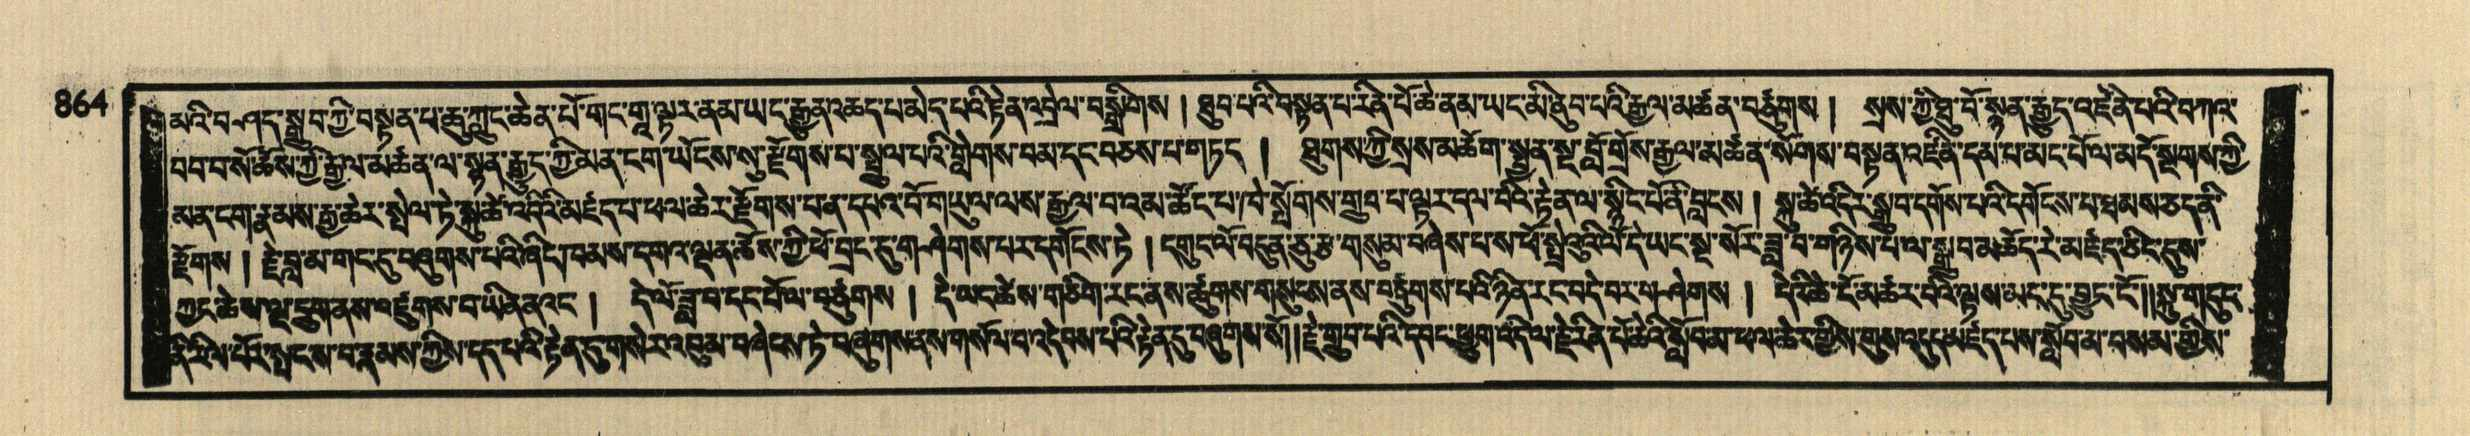མའི་བཤད་སྒྲུབ་ཀྱི་བསྟན་པ་ཆུ་ཀླུང་ཆེན་པོ་གང་གཱ་ལྟར་ནམ་ཡང་རྒྱུན་འཆད་པ་མེད་པའི་རྟེན་འབྲེལ་བསྒྲིགས། ཐུབ་པའི་བསྟན་པ་རིན་པོ་ཆེ་ནམ་ཡང་མི་ནུབ་པའི་རྒྱལ་མཚན་བཙུགས། སྲས་ཀྱི་ཐུ་བོ་སྙན་རྒྱུད་འཛིན་པའི་བཀའ་
བབ་བ་སོ་ཆོས་ཀྱི་རྒྱལ་མཚན་ལ་སྙན་རྒྱུད་ཀྱི་མན་ངག་ཡོངས་སུ་རྫོགས་པ་སྤྲུལ་པའི་གླེགས་བམ་དང་བཅས་པ་གཏད། ཐུགས་ཀྱི་སྲས་མཆོག་སྤྱན་སྔ་བློ་གྲོས་རྒྱལ་མཚན་སོགས་བསྟན་འཛིན་དམ་པ་མང་པོ་ལ་མདོ་སྔགས་ཀྱི་
མན་ངག་རྣམས་རྒྱ་ཆེར་སྤེལ་ཏེ་སྐུ་ཚེ་འདིའི་མཛད་པ་ཕལ་ཆེར་རྫོགས་པ་ན་དཔའ་བོ་གཡུལ་ལས་རྒྱལ་བ་འམ་ཚོང་པ་ཁེ་སྤོགས་གྲུབ་པ་ལྟར་དལ་བའི་རྟེན་ལ་སྙིང་པོ་ནི་བླངས། སྐུ་ཚེ་འདིར་སྒྲུབ་དགོས་པའི་དགོངས་པ་ཐམས་ཅད་ནི་
རྫོགས། རྗེ་བླ་མ་གང་དུ་བཞུགས་པའི་ཞིང་ཁམས་དགའ་ལྡན་ཆོས་ཀྱི་ཕོ་བྲང་དུ་གཤེགས་པར་དགོངས་ཏེ། དགུང་ལོ་བདུན་ཅུ་རྩ་གསུམ་བཞེས་པས་ཕོ་སྤྲེའུའི་ལོ་དེ་ཡང་སྔ་སོར་ཟླ་བ་གཉིས་པ་ལ་སྒྲུབ་མཆོད་རེ་མཛད་ཅིང་དུས་
ཀྱང་ཆེས་ལྔ་དྲུག་ནས་འཛུགས་པ་ཡིན་ནའང་། དེ་ལོ་ཟླ་བ་དང་པོ་ལ་བཙུགས། དེ་ཡང་ཚེས་གཅིག་རང་ནས་ཚུགས་གསུངས་ནས་བཙུགས་པའི་ཉིན་རང་བདེ་བར་གཤེགས། དེའི་ཚེ་ངོ་མཚར་བའི་ལྟས་མང་དུ་བྱུང་ངོ། །སྐུ་གདུང་
ནི་རིལ་པོར་སྤངས་བ་རྣམས་ཀྱིས་དད་པའི་རྟེན་དུ་གསེར་འབུམ་བཞེངས་ཏེ་བཞུགས་ནས་གསོལ་བ་འདེབས་པའི་རྟེན་དུ་བཞུགས་སོ། །རྗེ་གྲུབ་པའི་དབང་ཕྱུག་འདི་ལ་རྗེ་རིན་པོ་ཆེའི་སློབ་མ་ཕལ་ཆེར་གྱིས་གུས་འདུད་མཛད་པས་སློབ་མ་བསམ་གྱིས་